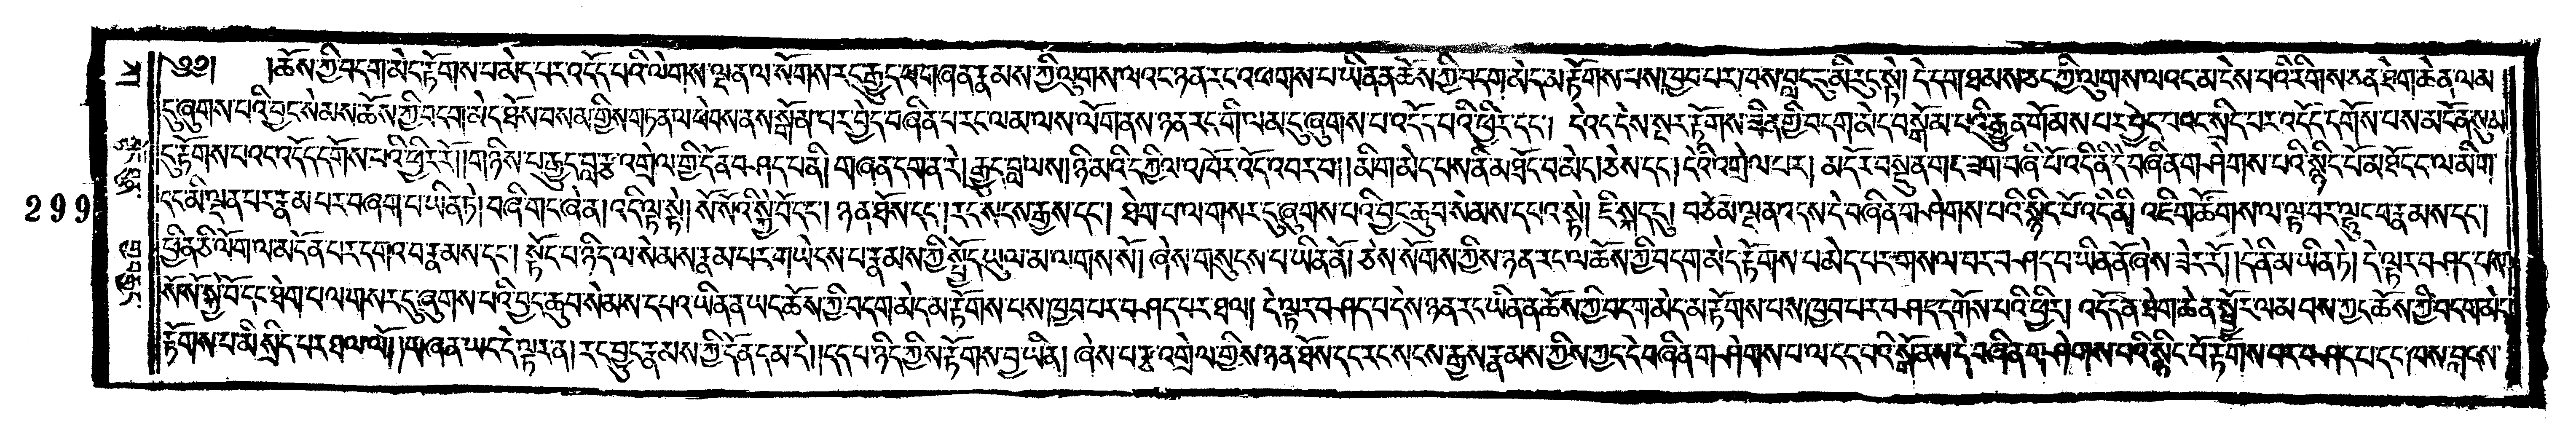༄༅། །ཆོས་ཀྱི་བདག་མེད་རྟོགས་པ་མེད་པར་འདོད་པའི་ལེགས་ལྡན་ལ་སོགས་རང་རྒྱུད་པ་གཞན་རྣམས་ཀྱི་ལུགས་ལའང་ཉན་རང་འཕགས་པ་ཡིན་ན་ཆོས་ཀྱི་བདག་མེད་མ་རྟོགས་པས་ཁྱབ་པར་ཁས་བླང་དུ་མི་རུང་སྟེ། དེ་དག་ཐམས་ཅད་ཀྱི་ལུགས་ལའང་མ་ངེས་པའི་རིགས་ཅན་ཐེག་ཆེན་ལམ་
དུ་ཞུགས་པའི་བྱང་སེམས་ཆོས་ཀྱི་བདག་མེད་ཐོས་བསམ་གྱིས་གཏན་ལ་ཕེབས་ནས་སྒོམ་པར་བྱེད་བཞིན་པ་རང་ལམ་ལས་ལོག་ནས་ཉན་རང་གི་ལམ་དུ་ཞུགས་པ་འདོད་པའི་ཕྱིར་དང་། དེའང་ངེས་སྔར་རྟོགས་ཟིན་གྱི་བདག་མེད་བསྒོམ་པའི་རྒྱུན་གོམས་པར་བྱེད་པའང་སྲིད་པར་འདོད་དགོས་པས་མངོན་སུམ་
དུ་རྟོགས་པའང་འདོད་དགོས་པའི་ཕྱིར་རོ། །གཉིས་པ་རྒྱུད་བླ་རྩ་འགྲེལ་གྱི་དོན་བཤད་པ་ནི། གཞན་དག་ན་རེ། རྒྱུད་བླ་ལས། ཉི་མའི་དཀྱིལ་འཁོར་འོད་འབར་བ། །མིག་མེད་པས་ནི་མཐོང་བ་མེད། ཅེས་དང་། དེའི་འགྲེལ་པར། མདོར་བསྡུ་ན་གང་ཟག་བཞི་པོ་འདི་ནི་དེ་བཞིན་གཤེགས་པའི་སྙིང་པོ་མཐོང་ང་ལ་མིག་
དང་མི་ལྡན་པར་རྣམ་པར་བཞག་པ་ཡིན་ཏེ། བཞི་གང་ཞེ་ན། འདི་ལྟ་སྟེ། སོ་སོའི་སྐྱེ་བོ་དང་། ཉན་ཐོས་དང་། རང་སངས་རྒྱས་དང་། ཐེག་པ་ལ་གསར་དུ་ཞུགས་པའི་བྱང་ཆུབ་སེམས་དཔའ་སྟེ། ཇི་སྐད་དུ། བཅོམ་ལྡན་འདས་དེ་བཞིན་གཤེགས་པའི་སྙིང་པོ་འདི་ནི། འཇིག་ཚོགས་ལ་ལྟ་བར་ལྷུང་བ་རྣམས་དང་།
ཕྱིན་ཅི་ལོག་ལ་མངོན་པར་དགའ་བ་རྣམས་དང་། སྟོང་པ་ཉིད་ལ་སེམས་རྣམ་པར་གཡེངས་པ་རྣམས་ཀྱི་སྤྱོད་ཡུལ་མ་ལགས་སོ། ཞེས་གསུངས་པ་ཡིན་ནོ། ཅེས་སོགས་ཀྱིས་ཉན་རང་ལ་ཆོས་ཀྱི་བདག་མེད་རྟོགས་པ་མེད་པར་གསལ་བར་བཤད་པ་ཡིན་ནོ་ཞེས་ཟེར་རོ། །དེ་ནི་མ་ཡིན་ཏེ། དེ་ལྟར་བཤད་པས་
སོ་སོ་སྐྱེ་བོ་དང་ཐེག་པ་ལ་གསར་དུ་ཞུགས་པའི་བྱང་ཆུབ་སེམས་དཔའ་ཡིན་ན་ཡང་ཆོས་ཀྱི་བདག་མེད་མ་རྟོགས་པས་ཁྱབ་པར་བཤད་པར་ཐལ། དེ་ལྟར་བཤད་པ་དེས་ཉན་རང་ཡིན་ན་ཆོས་ཀྱི་བདག་མེད་མ་རྟོགས་པས་ཁྱབ་པར་བཤད་དགོས་པའི་ཕྱིར། འདོད་ན་ཐེག་ཆེན་སྦྱོར་ལམ་བས་ཀྱང་ཆོས་ཀྱི་བདག་མེད་
རྟོགས་པ་མི་སྲིད་པར་ཐལ་ལོ། །གཞན་ཡང་དེ་ལྟར་ན། རང་བྱུང་རྣམས་ཀྱི་དོན་དམ་དེ། །དད་པ་ཉིད་ཀྱིས་རྟོགས་བྱ་ཡིན། ཞེས་པ་རྩ་འགྲེལ་གྱིས་ཉན་ཐོས་དང་རང་སངས་རྒྱས་རྣམས་ཀྱིས་ཀྱང་དེ་བཞིན་གཤེགས་པ་ལ་དད་པའི་སྒོ་ནས་དེ་བཞིན་གཤེགས་པའི་སྙིང་པོ་རྟོགས་པར་བཤད་པ་དང་ཁས་བླངས་